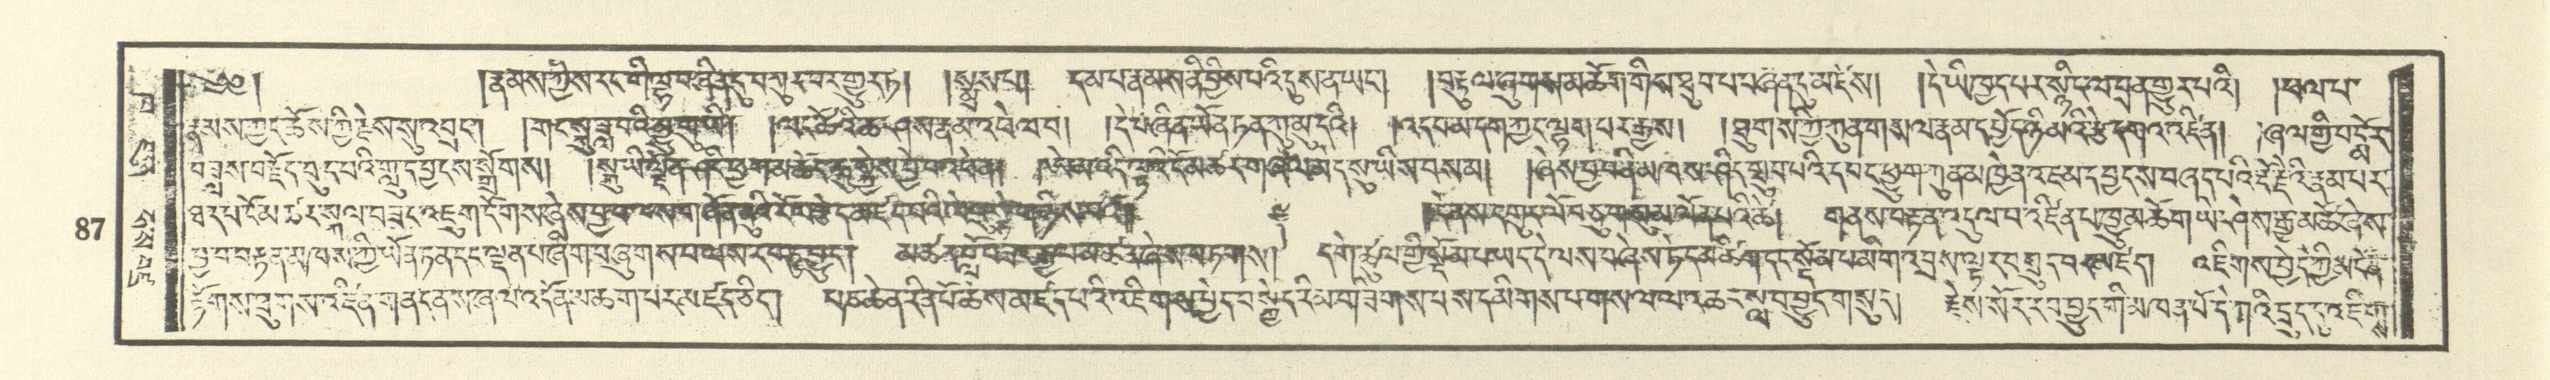༄༅། །རྣམས་ཀྱིས་རང་གི་ལྷ་བཞིན་དུ་བཀུར་བར་གྱུར་ཏོ། །སྨྲས་པ། དམ་པ་རྣམས་ནི་བྱིས་པའི་དུས་ན་ཡང་། །བརྟུལ་ཞུགས་མཆོག་གིས་ཐུབ་པ་བཞིན་དུ་མཛེས། །དེ་ཡི་ཁྱད་པར་སྙིང་ལ་བྲན་གྱུར་པའི། །ཕལ་པ་
རྣམས་ཀྱང་ཆོས་ཀྱི་རྗེས་སུ་འབྲང་། །གང་སྐུ་ཟླ་བའི་མྱུ་གུ་ཡི། །ལང་ཚོའི་ཆ་ཤས་རྣམ་འཕེལ་བ། །དེ་བཞིན་ཡོན་ཏན་ཀུ་མུ་དའི། །འདབ་མ་དག་ཀྱང་ལྷག་པར་རྒྱས། །ཐུགས་ཀྱི་ཀུན་གསལ་རྣམ་དཔྱོད་ཉི་མའི་རྩེ་དགའ་འཛིན། །ཞལ་གྱི་པདམོར་
བཟླས་བརྗོད་བུད་པའི་གླུ་དབྱངས་སྒྲོགས། །སྐུ་ཡི་ལྗོན་ཤིང་ཕྱག་མཆོད་ཆུ་སྐྱེས་བྱེ་བ་འཕེན། །ཨེ་མ་འདི་ལྷའི་ངོ་མཚར་གཞལ་མེད་སུ་ཡིས་བསམ། །ཞེས་བྱ་བ་ནི་མཁས་ཤིང་གྲུབ་པའི་དབང་ཕྱུག་ཀུན་མཁྱེན་འཇམ་དབྱངས་བཞད་པའི་རྡོ་རྗེའི་རྣམ་པར་
ཐར་པ་ངོ་མཚར་སྐལ་བཟང་འཇུག་དོགས་ཞེས་བྱ་བ་ལས་གཞོན་ནུའི་རོལ་རྩེད་མཛད་པའི་ལེའུ་སྟེ་གཉིས་པའོ།། ༈ །།དེ་ནས་དགུང་ལོ་བཅུ་གསུམ་ལོན་པའི་ཚེ། གནས་བརྟན་འདུལ་པ་འཛིན་ཁྱུ་མཆོག་ཡེ་ཤེས་རྒྱ་མཚོ་ཞེས་
བྱ་བ་བརྟན་མཁས་ཀྱི་ཡོན་ཏན་དང་ལྡན་པ་ཞིག་བཞུགས་པ་ལས་རབ་ཏུ་བྱུང་། མཚན་བློ་བཟང་རྒྱལ་མཚན་ཞེས་བཏགས། དགེ་ཚུལ་གྱི་སྡོམ་པ་ཡང་དེ་ལས་བཞེས་ཏེ་དམ་ཚིག་དང་སྒོམ་པ་མིག་འབྲས་ལྟར་བསྲུང་བར་མཛད། འཇིགས་བྱེད་ཀྱི་མངོན་
རྟོགས་ཐུགས་འཛིན་གནད་ནས་ཞལ་འདོན་མ་ཆག་པར་མཛད་ཅིང་། པཎ་ཆེན་རིན་པོ་ཆེས་མཛད་པའི་འཇིགས་བྱེད་བསྐྱེད་རིམ་གཟིགས་པས་དམིགས་པ་གསལ་ལ་འཆར་སླ་བ་བྱུང་གསུང་། རྗེས་སོར་རབ་བྱུང་གི་མཁན་པོ་དེ་ཀའི་དྲུང་དུ་འཇིགས་